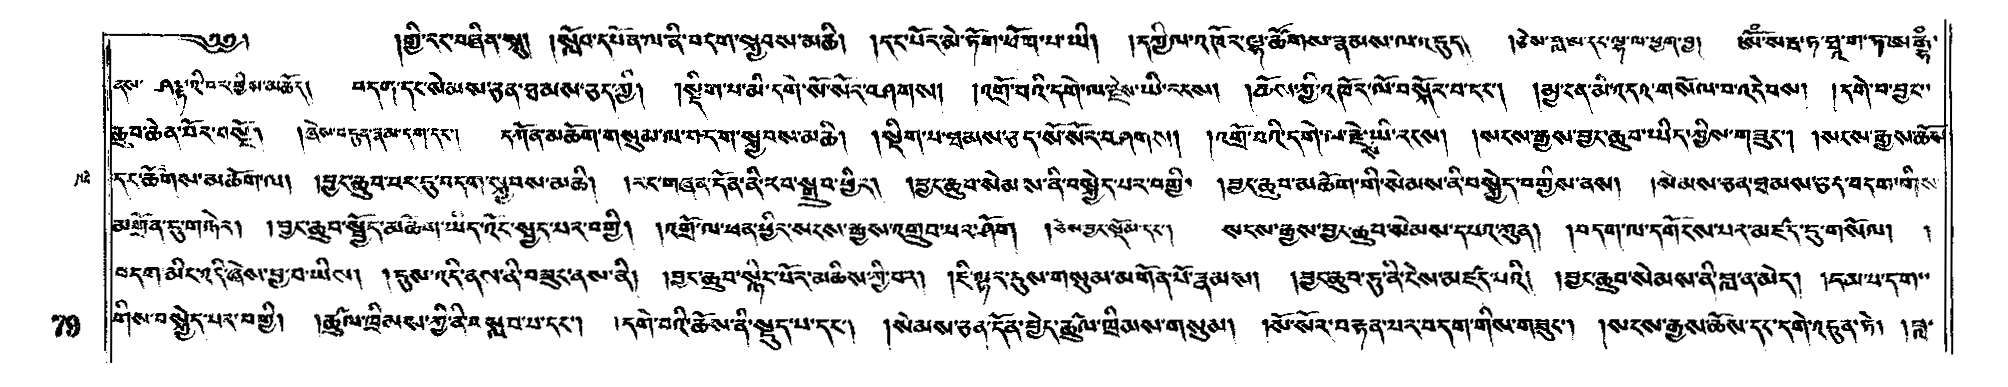༄༅། །གྱི་རང་བཞིན་སྐུ། །སློབ་དཔོན་ལ་ནི་བདག་སྐྱབས་མཆི། །དང་པོར་མེ་ཏོག་ཕོག་པ་ཡི། །དཀྱིལ་འཁོར་ལྷ་ཚོགས་རྣམས་ལ་འདུད། །ཅེས་བླ་མ་དང་ལྷ་ལ་ཕྱག་བྱ།  ཨོཾ་སརྦ་ཏ་ཐཱ་ག་ཏ་ཨརྒྷཾ་
ནས་ཤཔྟའི་བར་གྱིས་མཆོད།  བདག་དང་སེམས་ཅན་ཐམས་ཅད་ཀྱི། །སྡིག་པ་མི་དགེ་སོ་སོར་བཤགས། །འགྲོ་བའི་དགེ་ལ་རྗེས་ཡི་རངས། །ཆོས་ཀྱི་འཁོར་ལོ་བསྐོར་བ་དང་། །མྱ་ངན་མི་འདའ་གསོལ་བ་འདེབས། །དགེ་བ་བྱང་
ཆུབ་ཆེན་བོར་བསྔོ། །ཞེས་བདུན་རྣམ་དག་དང་།  དཀོན་མཆོག་གསུམ་ལ་བདག་སྐྱབས་མཆི། །སྡིག་པ་ཐམས་ཅད་སོ་སོར་བཤགས། །འགྲོ་བའི་དགེ་ལ་རྗེས་ཡི་རངས། །སངས་རྒྱས་བྱང་ཆུབ་ཡིད་ཀྱིས་གཟུང་། །སངས་རྒྱས་ཆོས་
དང་ཚོགས་མཆོག་ལ། །བྱང་ཆུབ་བར་དུ་བདག་སྐྱབས་མཆི། །རང་གཞན་དོན་ནི་རབ་སྒྲུབ་ཕྱིར། །བྱང་ཆུབ་སེམས་ནི་བསྐྱེད་པར་བགྱི། །བྱང་ཆུབ་མཆོག་གི་སེམས་ནི་བསྐྱེད་བགྱིས་ནས། །སེམས་ཅན་ཐམས་ཅད་བདག་གིས་
མགྲོན་དུ་གཉེར། །བྱང་ཆུབ་སྤྱོད་མཆོག་ཡིད་འོང་སྤྱད་པར་བགྱི། །འགྲོ་ལ་ཕན་ཕྱིར་སངས་རྒྱས་འགྲུབ་པར་ཤོག་།ཅེས་བྱང་སྡོམ་དང་།  སངས་རྒྱས་བྱང་ཆུབ་སེམས་དཔའ་ཀུན། །བདག་ལ་དགོངས་པར་མཛད་དུ་གསོལ། །
བདག་མིང་འདི་ཞེས་བྱ་བ་ཡིས། །དུས་འདི་ནས་ནི་བཟུང་ནས་ནི། །བྱང་ཆུབ་སྙིང་པོར་མཆིས་ཀྱི་བར། །ཇི་ལྟར་དུས་གསུམ་མགོན་པོ་རྣམས། །བྱང་ཆུབ་ཏུ་ནི་ངེས་མཛད་པའི། །བྱང་ཆུབ་སེམས་ནི་བླ་ན་མེད། །དམ་པ་དག་
གིས་བསྐྱེད་པར་བགྱི། །ཚུལ་ཁྲིམས་ཀྱི་ནི་བསླབ་པ་དང་། །དགེ་བའི་ཆོས་ནི་སྡུད་པ་དང་། །སེམས་ཅན་དོན་བྱེད་ཚུལ་ཁྲིམས་གསུམ། །སོ་སོར་བརྟན་པར་བདག་གིས་གཟུང་། །སངས་རྒྱས་ཆོས་དང་དགེ་འདུན་ཏེ། །བླ་